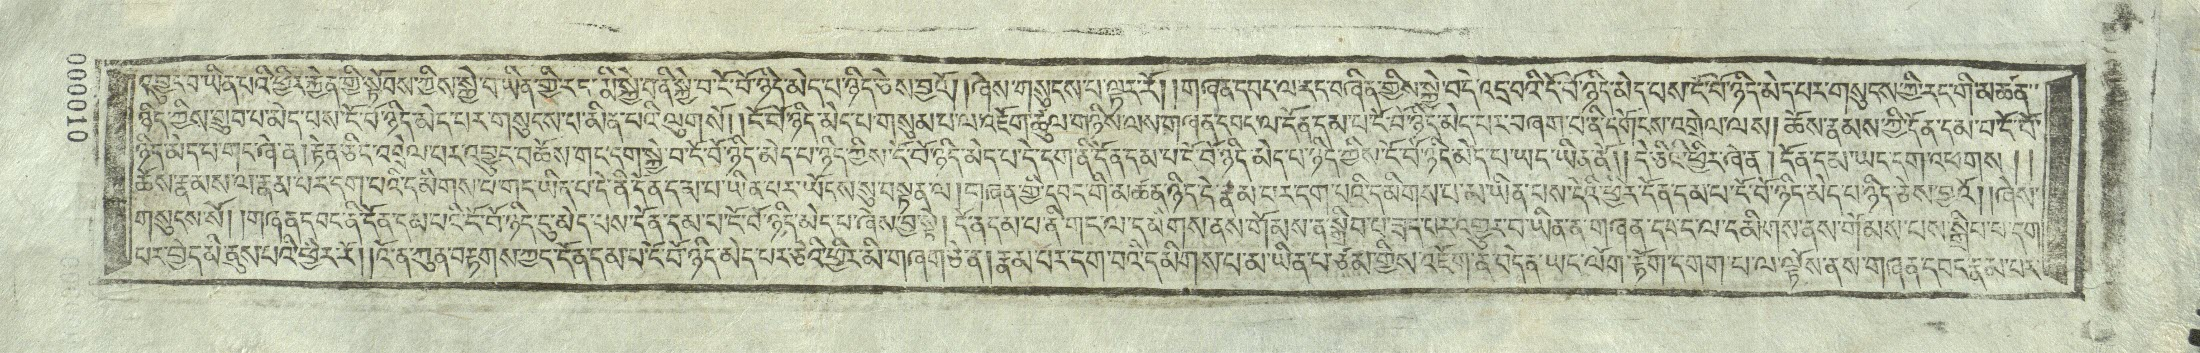འབྱུང་བ་ཡིན་པའི་ཕྱིར་རྐྱེན་གྱི་སྟོབས་ཀྱིས་སྐྱེ་བ་ཡིན་གྱི་རང་གི་སྐྱེ་བ་ནི་སྐྱེ་བ་ངོ་བོ་ཉིད་མེད་པ་ཉིད་ཅེས་བྱའོ། །ཞེས་གསུངས་པ་ལྟར་རོ། །གཞན་དབང་ལ་རང་བཞིན་གྱིས་སྐྱེ་བ་དེ་འདྲ་བའི་ངོ་བོ་ཉིད་མེད་པས་ངོ་བོ་ཉིད་མེད་པར་གསུངས་ཀྱི་རང་གི་མཚན་
ཉིད་ཀྱིས་གྲུབ་པ་མེད་པས་ངོ་བོ་ཉིད་མེད་པར་གསུངས་པ་མིན་པའི་ལུགས་སོ། །ངོ་བོ་ཉིད་མེད་པ་གསུམ་པ་ལ་འཇོག་ཚུལ་གཉིས་ལས་གཞན་དབང་ལ་དོན་དམ་པ་ངོ་བོ་ཉིད་མེད་པར་བཞག་པ་ནི་དགོངས་འགྲེལ་ལས། ཆོས་རྣམས་ཀྱི་དོན་དམ་པ་ངོ་བོ་
ཉིད་མེད་པ་གང་ཞེ་ན། རྟེན་ཅིང་འདྲེལ་པར་འབྱུང་བ་ཚོས་གང་དག་སྐྱེ་བ་ངོ་བོ་ཉིད་མེད་པ་ཉིད་ཀྱིས་ངོ་བོ་ཉིད་མེད་པ་དེ་དག་ནི་དོན་དམ་པ་ངོ་བོ་ཉིད་མེད་པ་ཉིད་ཀྱིས་ངོ་བོ་ཉིད་མེད་པ་ཡང་ཡིན་ནོ། །དེ་ཅིའི་ཕྱིར་ཞེ་ན། དོན་དམ་ཡང་དག་འཕགས།
ཆོས་རྣམས་ལ་རྣམ་པར་དག་པའི་དམིགས་པ་གང་ཡིན་པ་དེ་ནི་དོན་དམ་པ་ཡིན་པར་ཡོངས་སུ་བསྟན་ལ། གཞན་གྱི་དབང་གི་མཚན་ཉིད་དེ་རྣམ་པར་དག་པའི་དམིགས་པ་མ་ཡིན་པས་དེའི་ཕྱིར་དོན་དམ་པ་ངོ་བོ་ཉིད་མེད་པ་ཉིད་ཅེས་བྱའོ། །ཞེས་
གསུངས་སོ། །གཞན་དབང་ནི་དོན་དམ་པའི་ངོ་བོ་ཉིད་དུ་མེད་པས་དོན་དམ་པ་ངོ་བོ་ཉིད་མེད་པ་ཞེས་བྱ་སྟེ། དོན་དམ་པ་ནི་གང་ལ་དམིགས་ནས་གོམས་ན་སྒྲིབ་པ་ཟད་པར་འགྱུར་བ་ཡིན་ན་གཞན་དབང་ལ་དམིགས་ནས་གོམས་པས་སྒྲིབ་པ་དག་
པར་བྱེད་མི་ནུས་པའི་ཕྱིར་རོ། །འོ་ན་ཀུན་བརྟགས་ཀྱང་དོན་དམ་པ་ངོ་བོ་ཉིད་མེད་པར་ཅིའི་ཕྱིར་མི་གཞག་ཅེ་ན། རྣམ་པར་དག་པའི་དམིགས་པ་མ་ཡིན་པ་ཙམ་གྱིས་འཇོག་ན་བདེན་ཡང་ལོག་རྟོག་དགག་པ་ལ་ལྟོས་ནས་གཞན་དབང་རྣམ་པར་